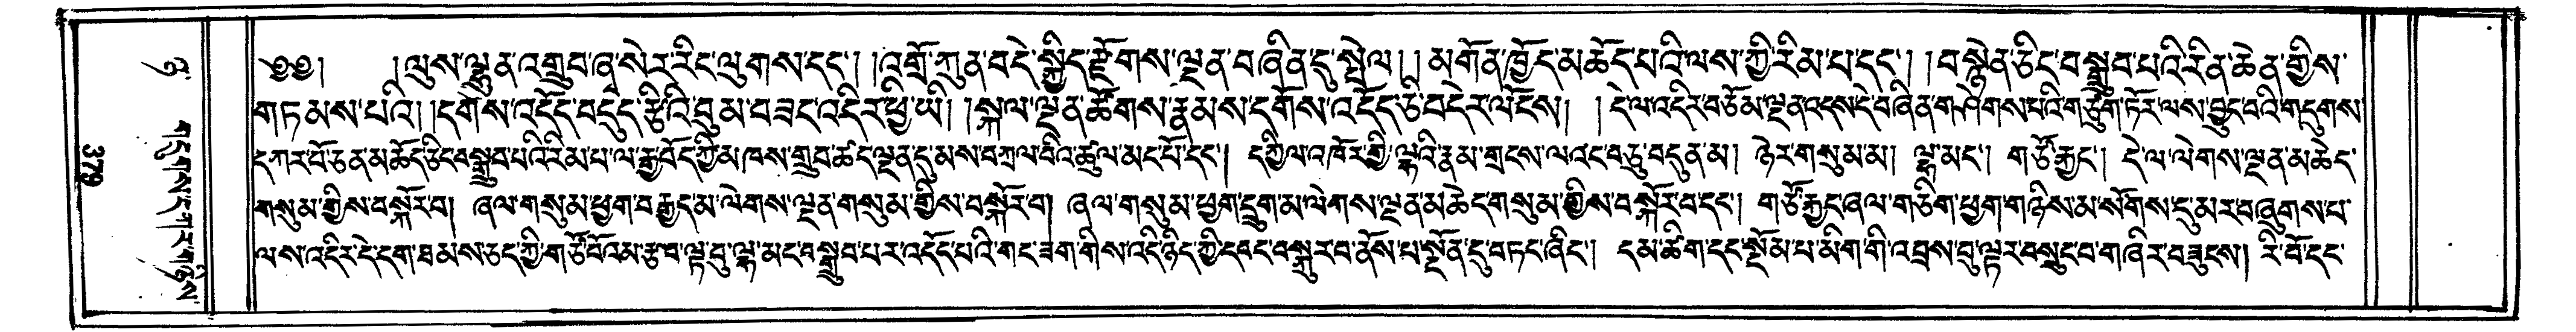༄༅། །ལུས་ལྷུན་འགྲུབ་ཞྭ་སེར་རིང་ལུགས་དང་། །འགྲོ་ཀུན་བདེ་སྐྱིད་རྫོགས་ལྡན་བཞིན་དུ་སྤེལ། །མགོན་ཁྱོད་མཆོད་པའི་ལས་ཀྱི་རིམ་པ་དང་། །བསྙེན་ཅིང་བསྒྲུབ་པའི་རིན་ཆེན་གྱིས་
གཏམས་པའི། །དོགས་འདོད་བདུད་རྩིའི་བུམ་བཟང་འདིར་ཕྱེ་ཡི། །སྐལ་ལྡན་ཚོགས་རྣམས་དགོས་འདོད་ཅི་བདེར་ལོངས། །དེ་ལ་འདིར་བཅོམ་ལྡན་འདས་དེ་བཞིན་གཤེགས་བའི་གཙུག་ཏོར་ལས་བྱུང་བའི་གདུགས་
དཀར་པོ་ཅན་མཆོད་ཅིར་བསྒྲུབ་པའི་རིམ་པ་ལ་རྒྱ་བོད་ཀྱི་མཁས་གྲུབ་ཚད་ལྡན་དུ་མས་བཀྲལ་བའི་ཚུལ་མང་བོ་དང་། དཀྱིལ་འཁོར་གྱི་ལྷའི་རྣམ་གྲངས་ལའང་བཅུ་བདུན་མ། ཉེར་གསུམ་མ། ལྷ་མང་། གཙོ་རྐྱང་། དེ་ལ་ལེགས་ལྡན་མཆེད་
གསུམ་གྱིས་བསྐོར་བ། ཞལ་གསུམ་ཕྱག་བརྒྱད་མ་ལེགས་ལྡན་གསུམ་གྱིས་བསྐོར་བ། ཞལ་གསུམ་ཕྱག་དྲུག་མ་ལེགས་ལྡན་མཆེད་གསུམ་གྱིས་བསྐོར་བ་དང་། གཙོ་རྐྱང་ཞལ་གཅིག་ཕྱག་གཉིས་མ་སོགས་དུ་མར་བཞུགས་པ་
ལས་འདིར་དེ་དག་ཐམས་ཅད་ཀྱི་གཙོ་བོའམ་རྩ་བ་ལྟ་བུ་ལྷ་མང་བསྒྲུབ་པར་འདོད་པའི་གང་ཟག་གིས་འདི་ཉིད་ཀྱི་དབང་བསྐུར་བ་ནོས་པ་སྔོན་དུ་བཏང་ཞིང་། དམ་ཚིག་དང་སྡོམ་པ་མིག་གི་འབྲས་བུ་ལྟར་བསྲུང་བ་གཞིར་བཟུངས། རི་བོ་དང་